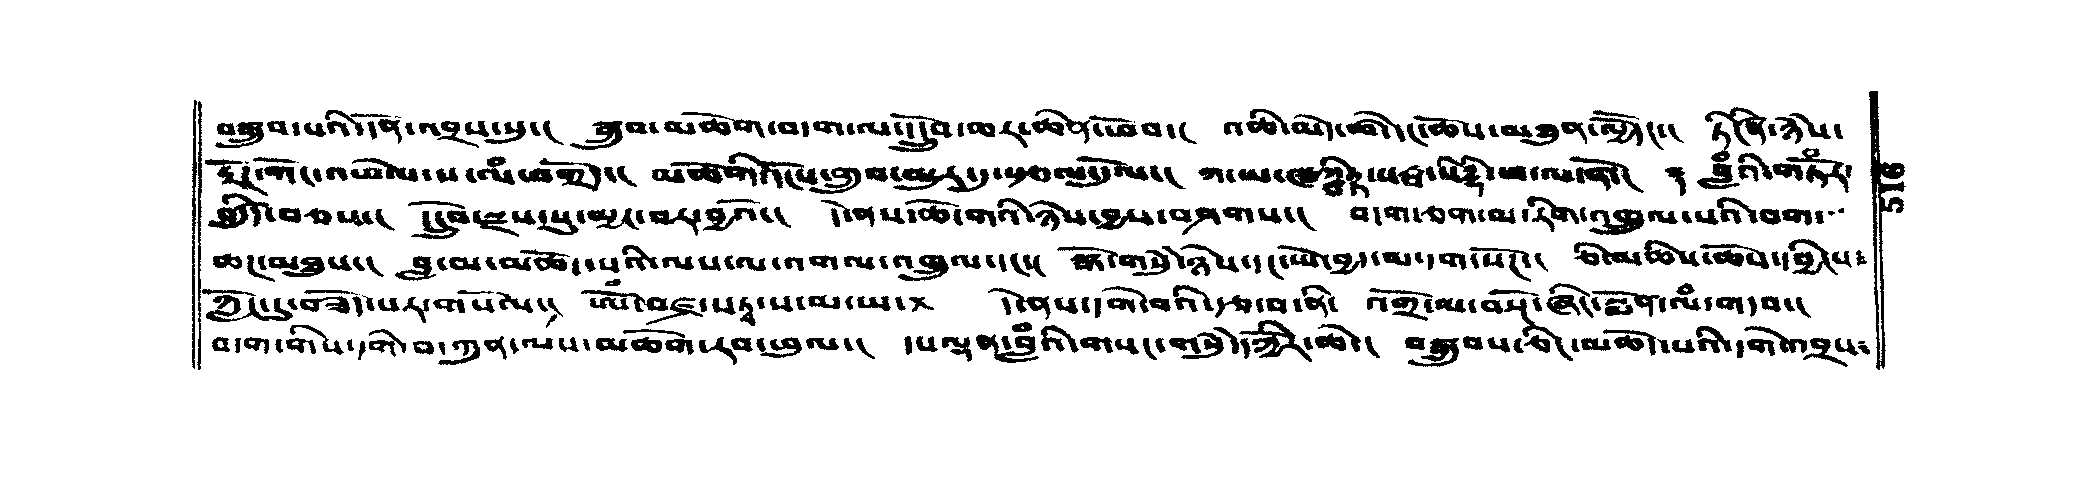བསྒྲུབ་པའི་དོན་འབྲས་སུ། །སྒྲུབ་མཆོག་བདག་ལ་དངོས་གྲུབ་ཆར་ཆེན་ཕོབ། །འཆི་མེད་ཚེ་དང་ཆོས་མཐུན་ལོངས་སྤྱོད་དང་། །ཏིང་འཛིན་ཉམས་
རྟོགས་གོང་འཕེལ་ས་ལམ་འགྲོད། །མཆོག་གི་དངོས་གྲུབ་མྱུར་དུ་སྩལ་དུ་གསོལ། །ཀ་ཡ་ཝཀྩིཏྟ་སརྦ་སིདྡྷི་ཕ་ལ་ཧོ། ༈ བླ་མའི་གཏོར་མ་
བདུད་རྩི་བཅས། །དངོས་གྲུབ་རྫས་སུ་བླང་བར་བྱའོ། །དེ་ནས་ཆོ་གའི་ཉེས་བྱས་བཤགས། །བདག་ཅག་མ་རིག་འཁྲུལ་བའི་བག་
ཆགས་མཐུས། །བླ་མ་མཆོད་པའི་ལས་ལ་འགལ་འཁྲུལ་དང་། །སྒོ་གསུམ་ཉེས་དང་ཡོ་བྱད་མ་དག་སོགས། །ཅི་མཆིས་ཆོས་དབྱིངས་
ཀློང་དུ་བཟོད་པར་གསོལ། །ཨོཾ་བཛྲ་སཏྭ་ས་མ་ཡ་༴ དེ་ནས་དགེ་བའི་རྩ་བ་ནི། །འགྲོ་ལ་བསྔོ་ཤིང་སྨོན་ལམ་གདབ། །
བདག་གིས་དགེ་བ་ཀུན་ལས་མཆོག་རབ་ཕུལ། །དཔལ་ལྡན་བླ་མའི་གསང་གསུམ་དཀྱིལ་འཁོར་ཆེ། །བསྒྲུབ་ཅིང་མཆོད་པའི་དགེ་འབྲས་